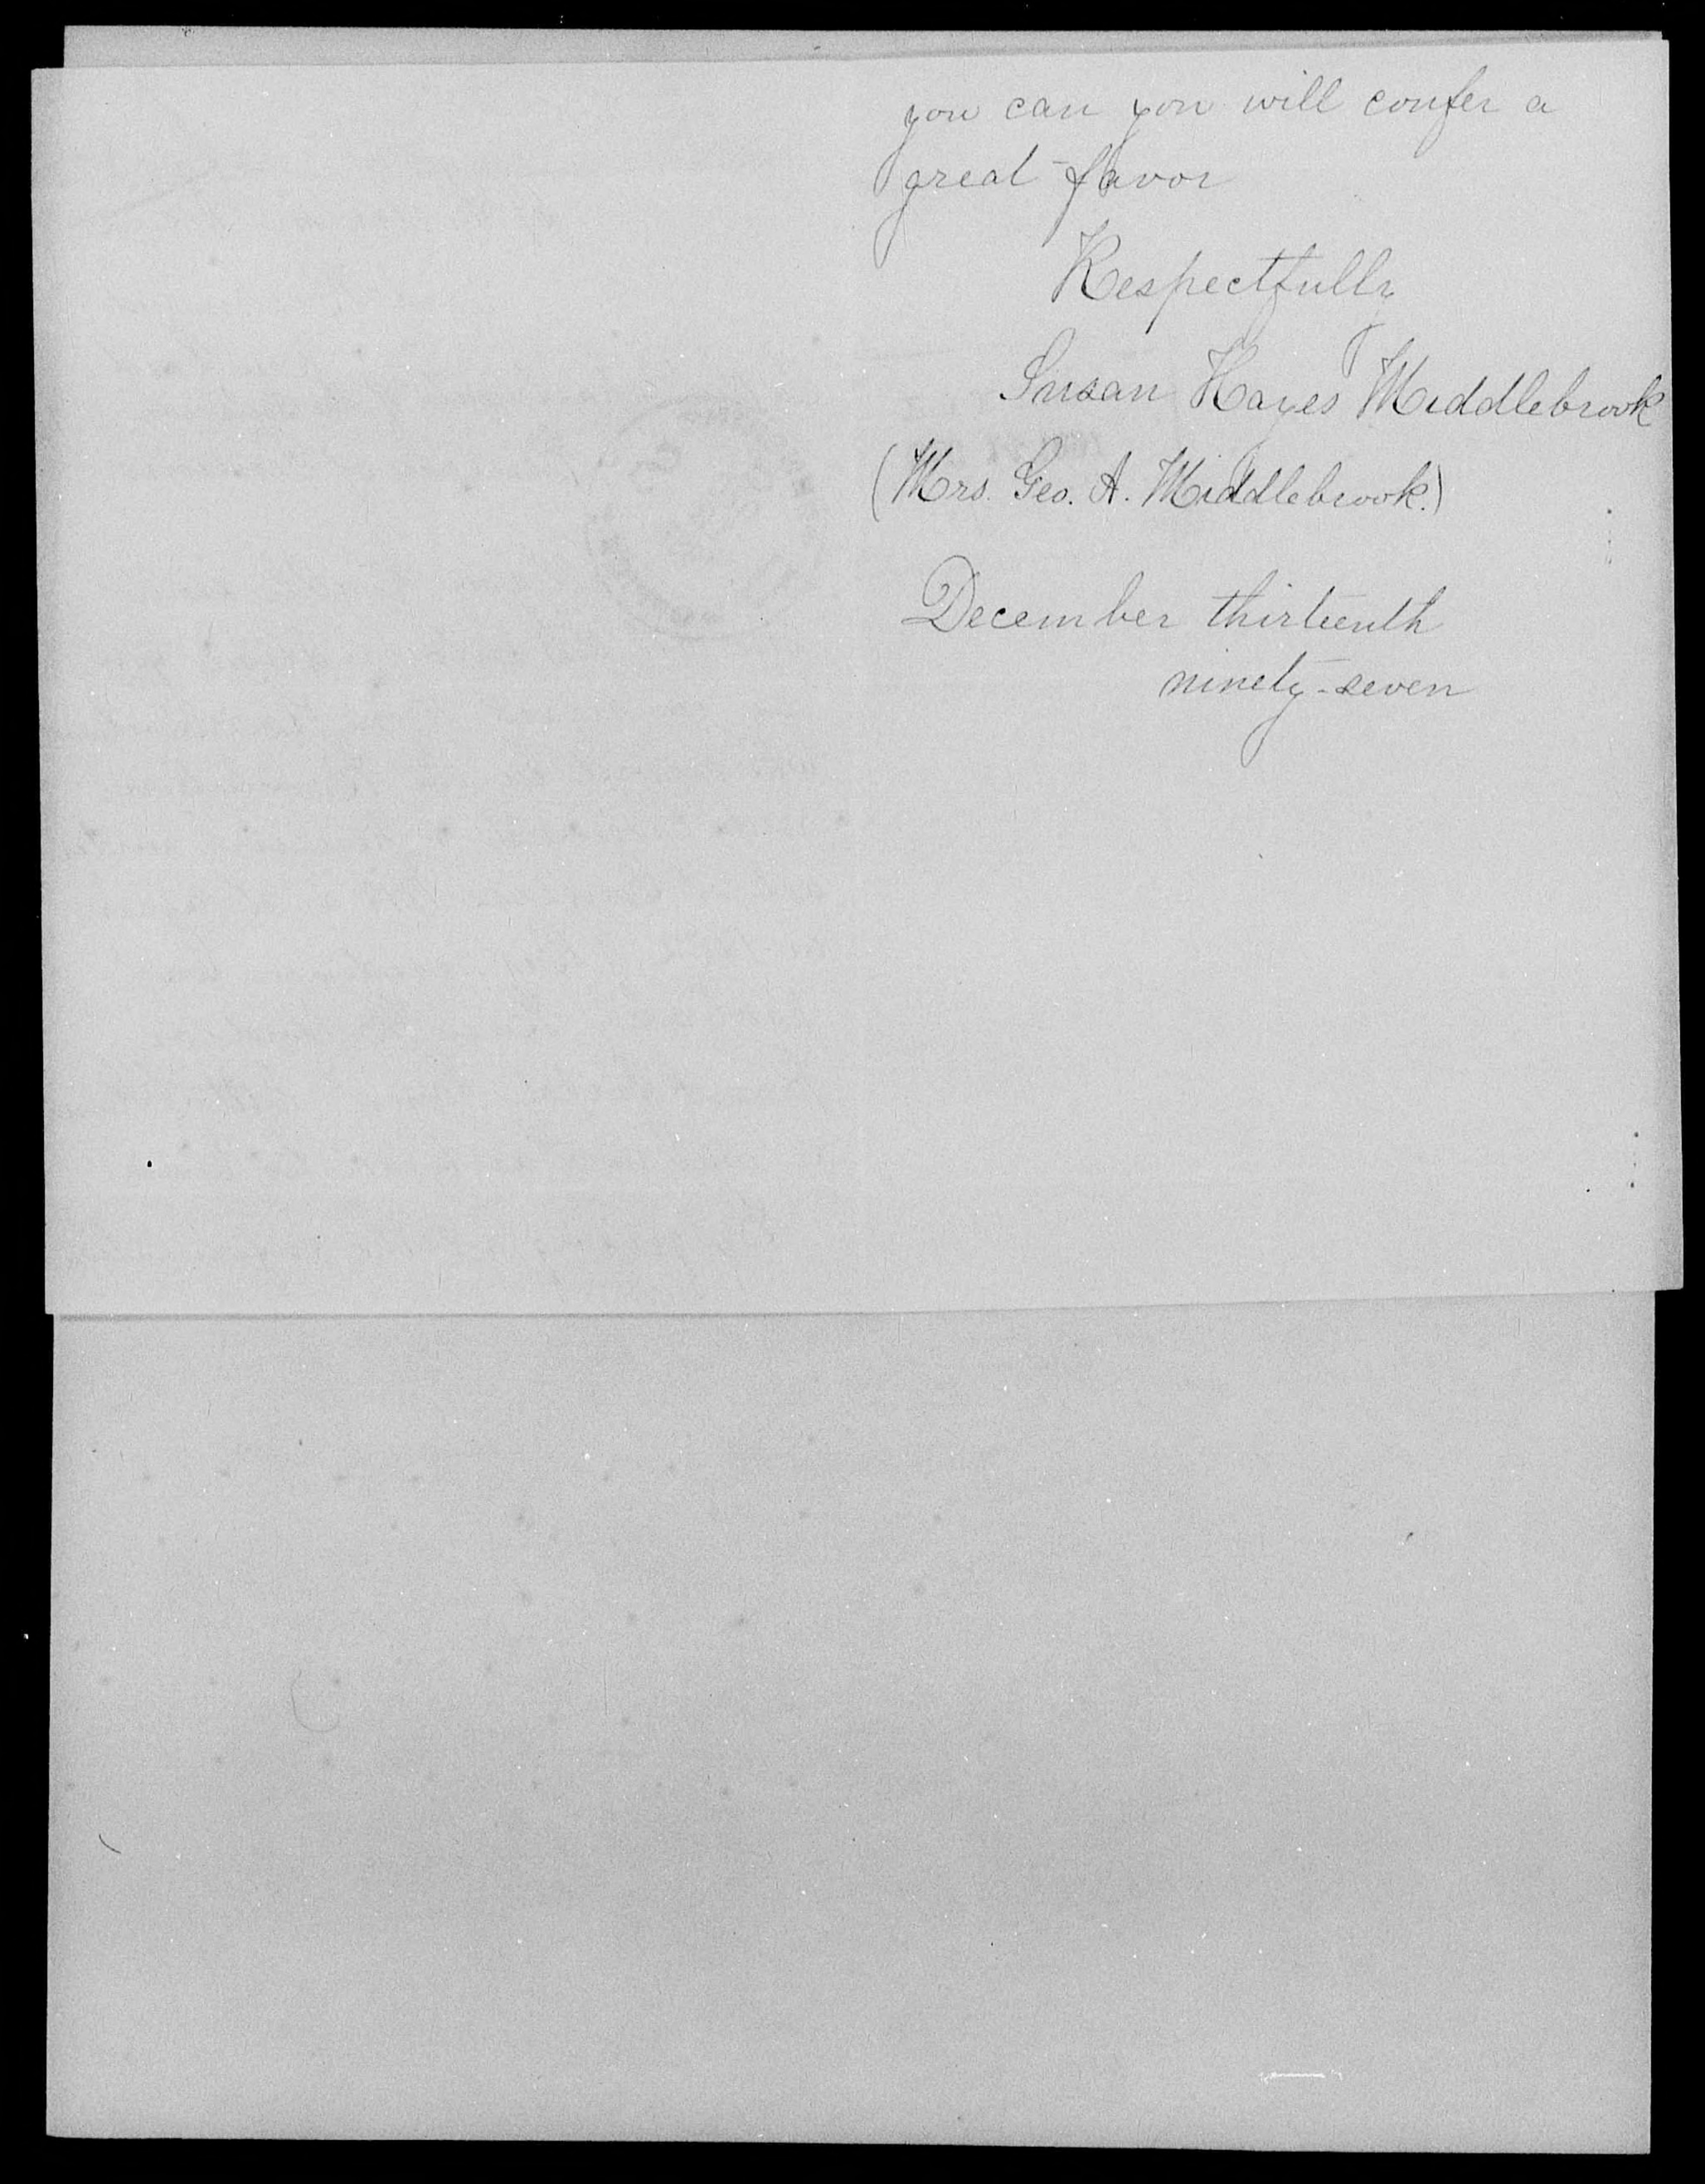you can you will confer a great favor

Respectfully

Susan Hayes Middlebrook
(Mrs Geo. A. Middlebrook)

December thirteenth ninety seven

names: Geo A Middlebrook; Susan Hayes Middlebrook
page: 20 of 23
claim: survivor's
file: S 42891, for Isaac Lockwood, New York